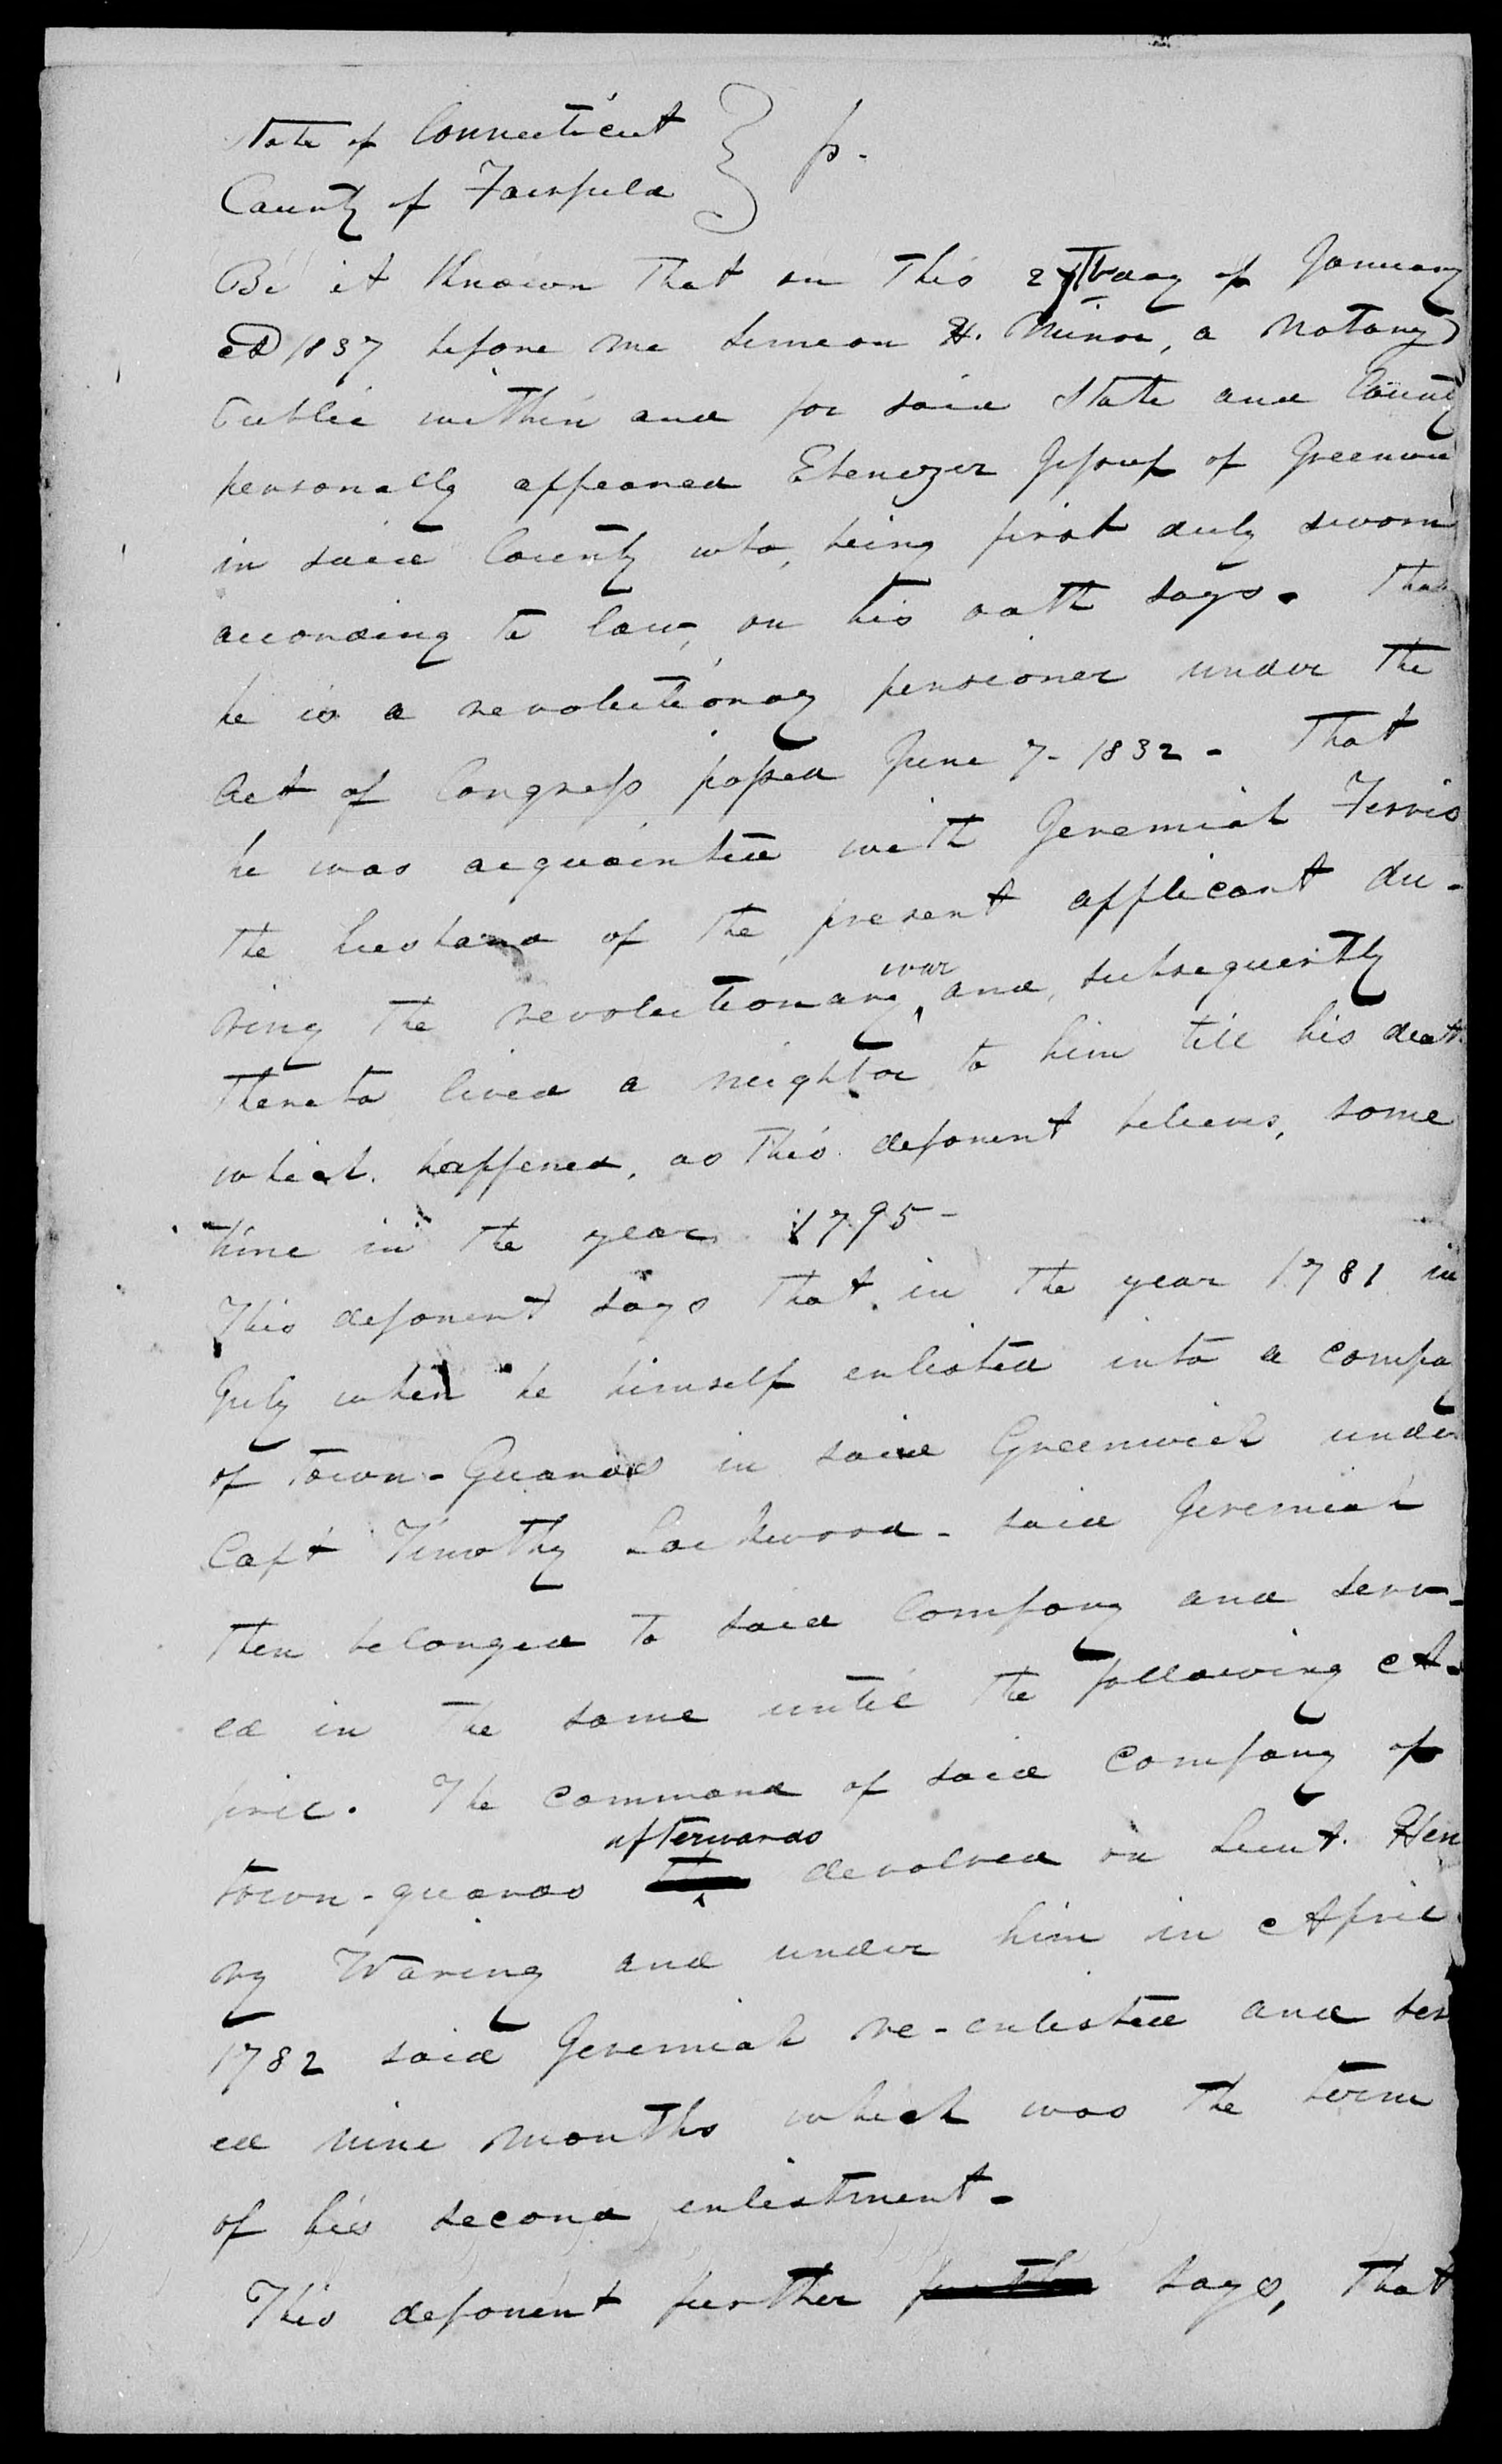State of Connecticut      )
County of Fairfield         ) s.
Be it known that this 27th day of January AD 1837 before me Simeon H. Minor, a notary public within and for said State and County personally appeared Ebenezer Jessup of Greenwich in said County who, being first duly sworn according to law, on his oath says--
he is a revolutionary pensioner under the Act of Congress passed June 7 1832.  That he was acquainted with Jeremiah Ferris the husband of the present applicant during the Revolutionary War, and, subsequently thereto lived a neighbor to him till his death which happened, as this deponent believes, some time in the year 1795.
This deponent says that in the year 1781 in July when he himself enlisted into a company of Town Guards in said Greenwich under Capt Timothy Lockwood, said Jeremiah then belonged to said Company and served in the same until the following [illegible].  The command of said Company of town guards afterwards devolved on Lieut. Henry Waring and under him in April 1782 said Jeremiah re-enlisted and served nine months which was the term of his second enlistment.
This deponent further says, that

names: Henry Waring, Simeon H Minor, Jeremiah, Ebenezer Jessup, Jeremiah, Timothy Lockwood, Jeremiah Ferris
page: 11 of 14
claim: widow's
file: W. 17897, Jeremiah Ferris, Conn.